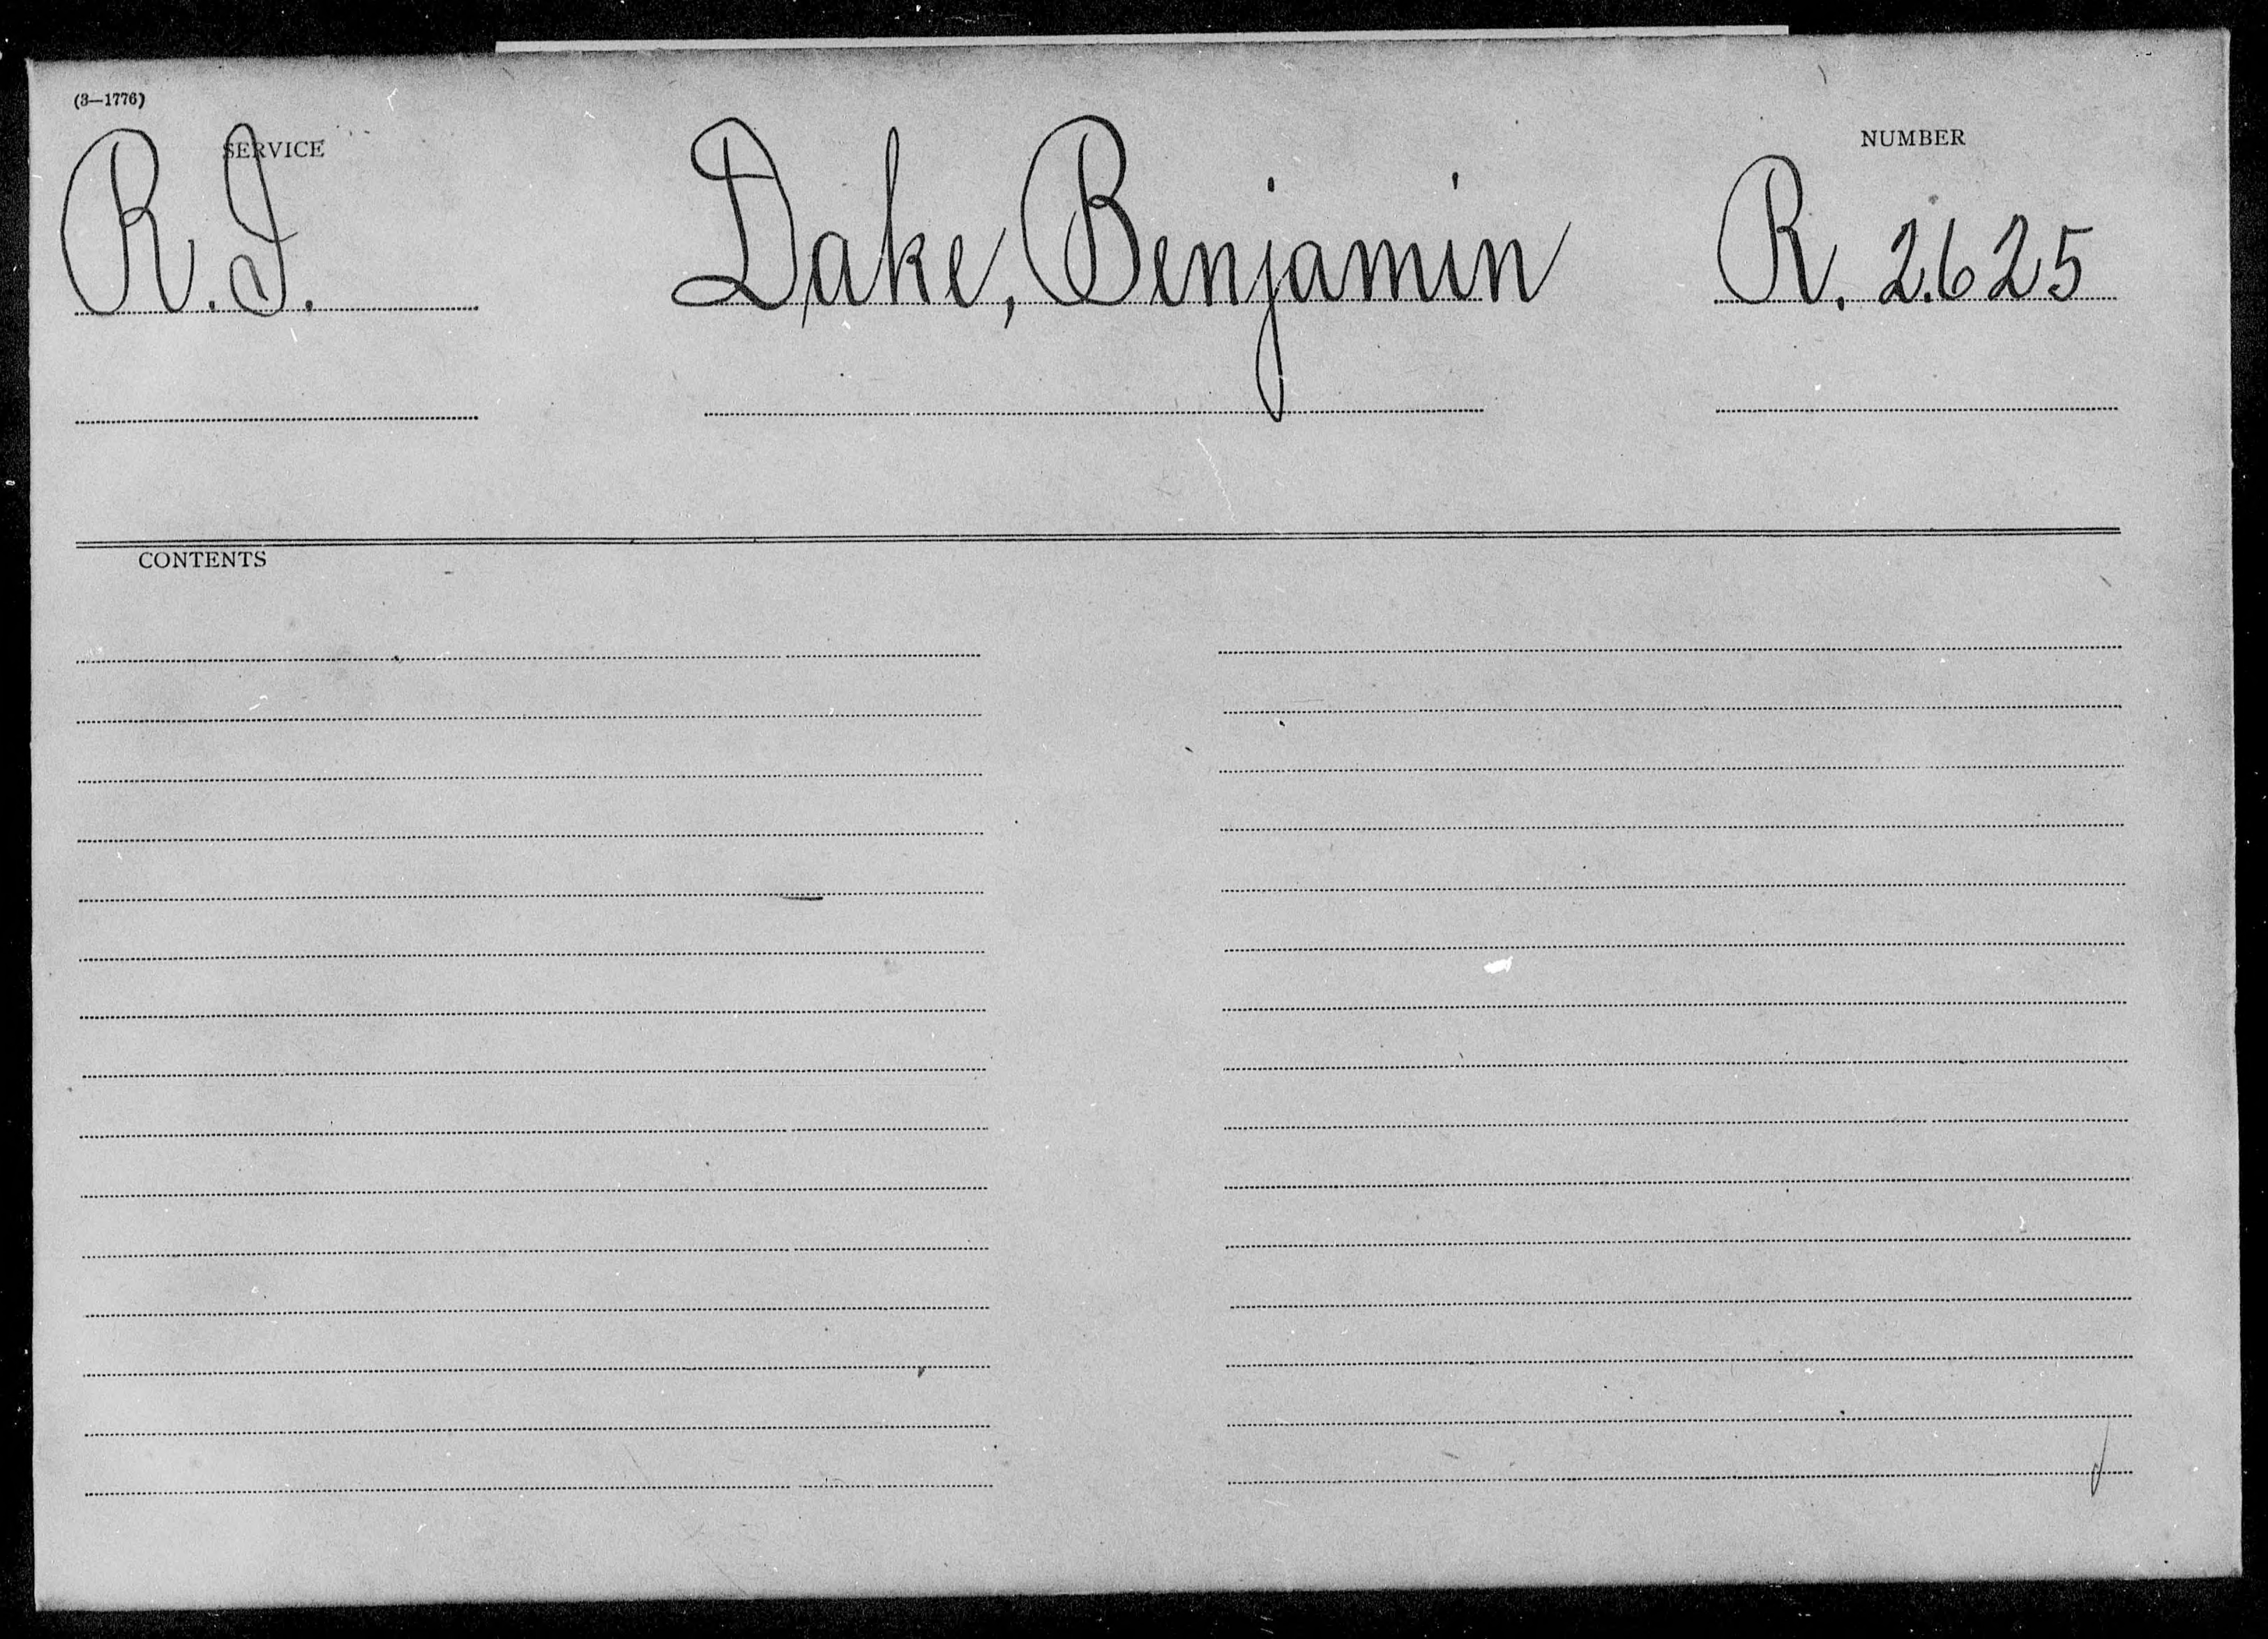(8-1776)
Service | Number

R.I. Dake, Benjamin R. 2.625

Contents
[blank]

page: 1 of 42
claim: rejected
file: R. 2,625, Benjamin Dake, R.I.